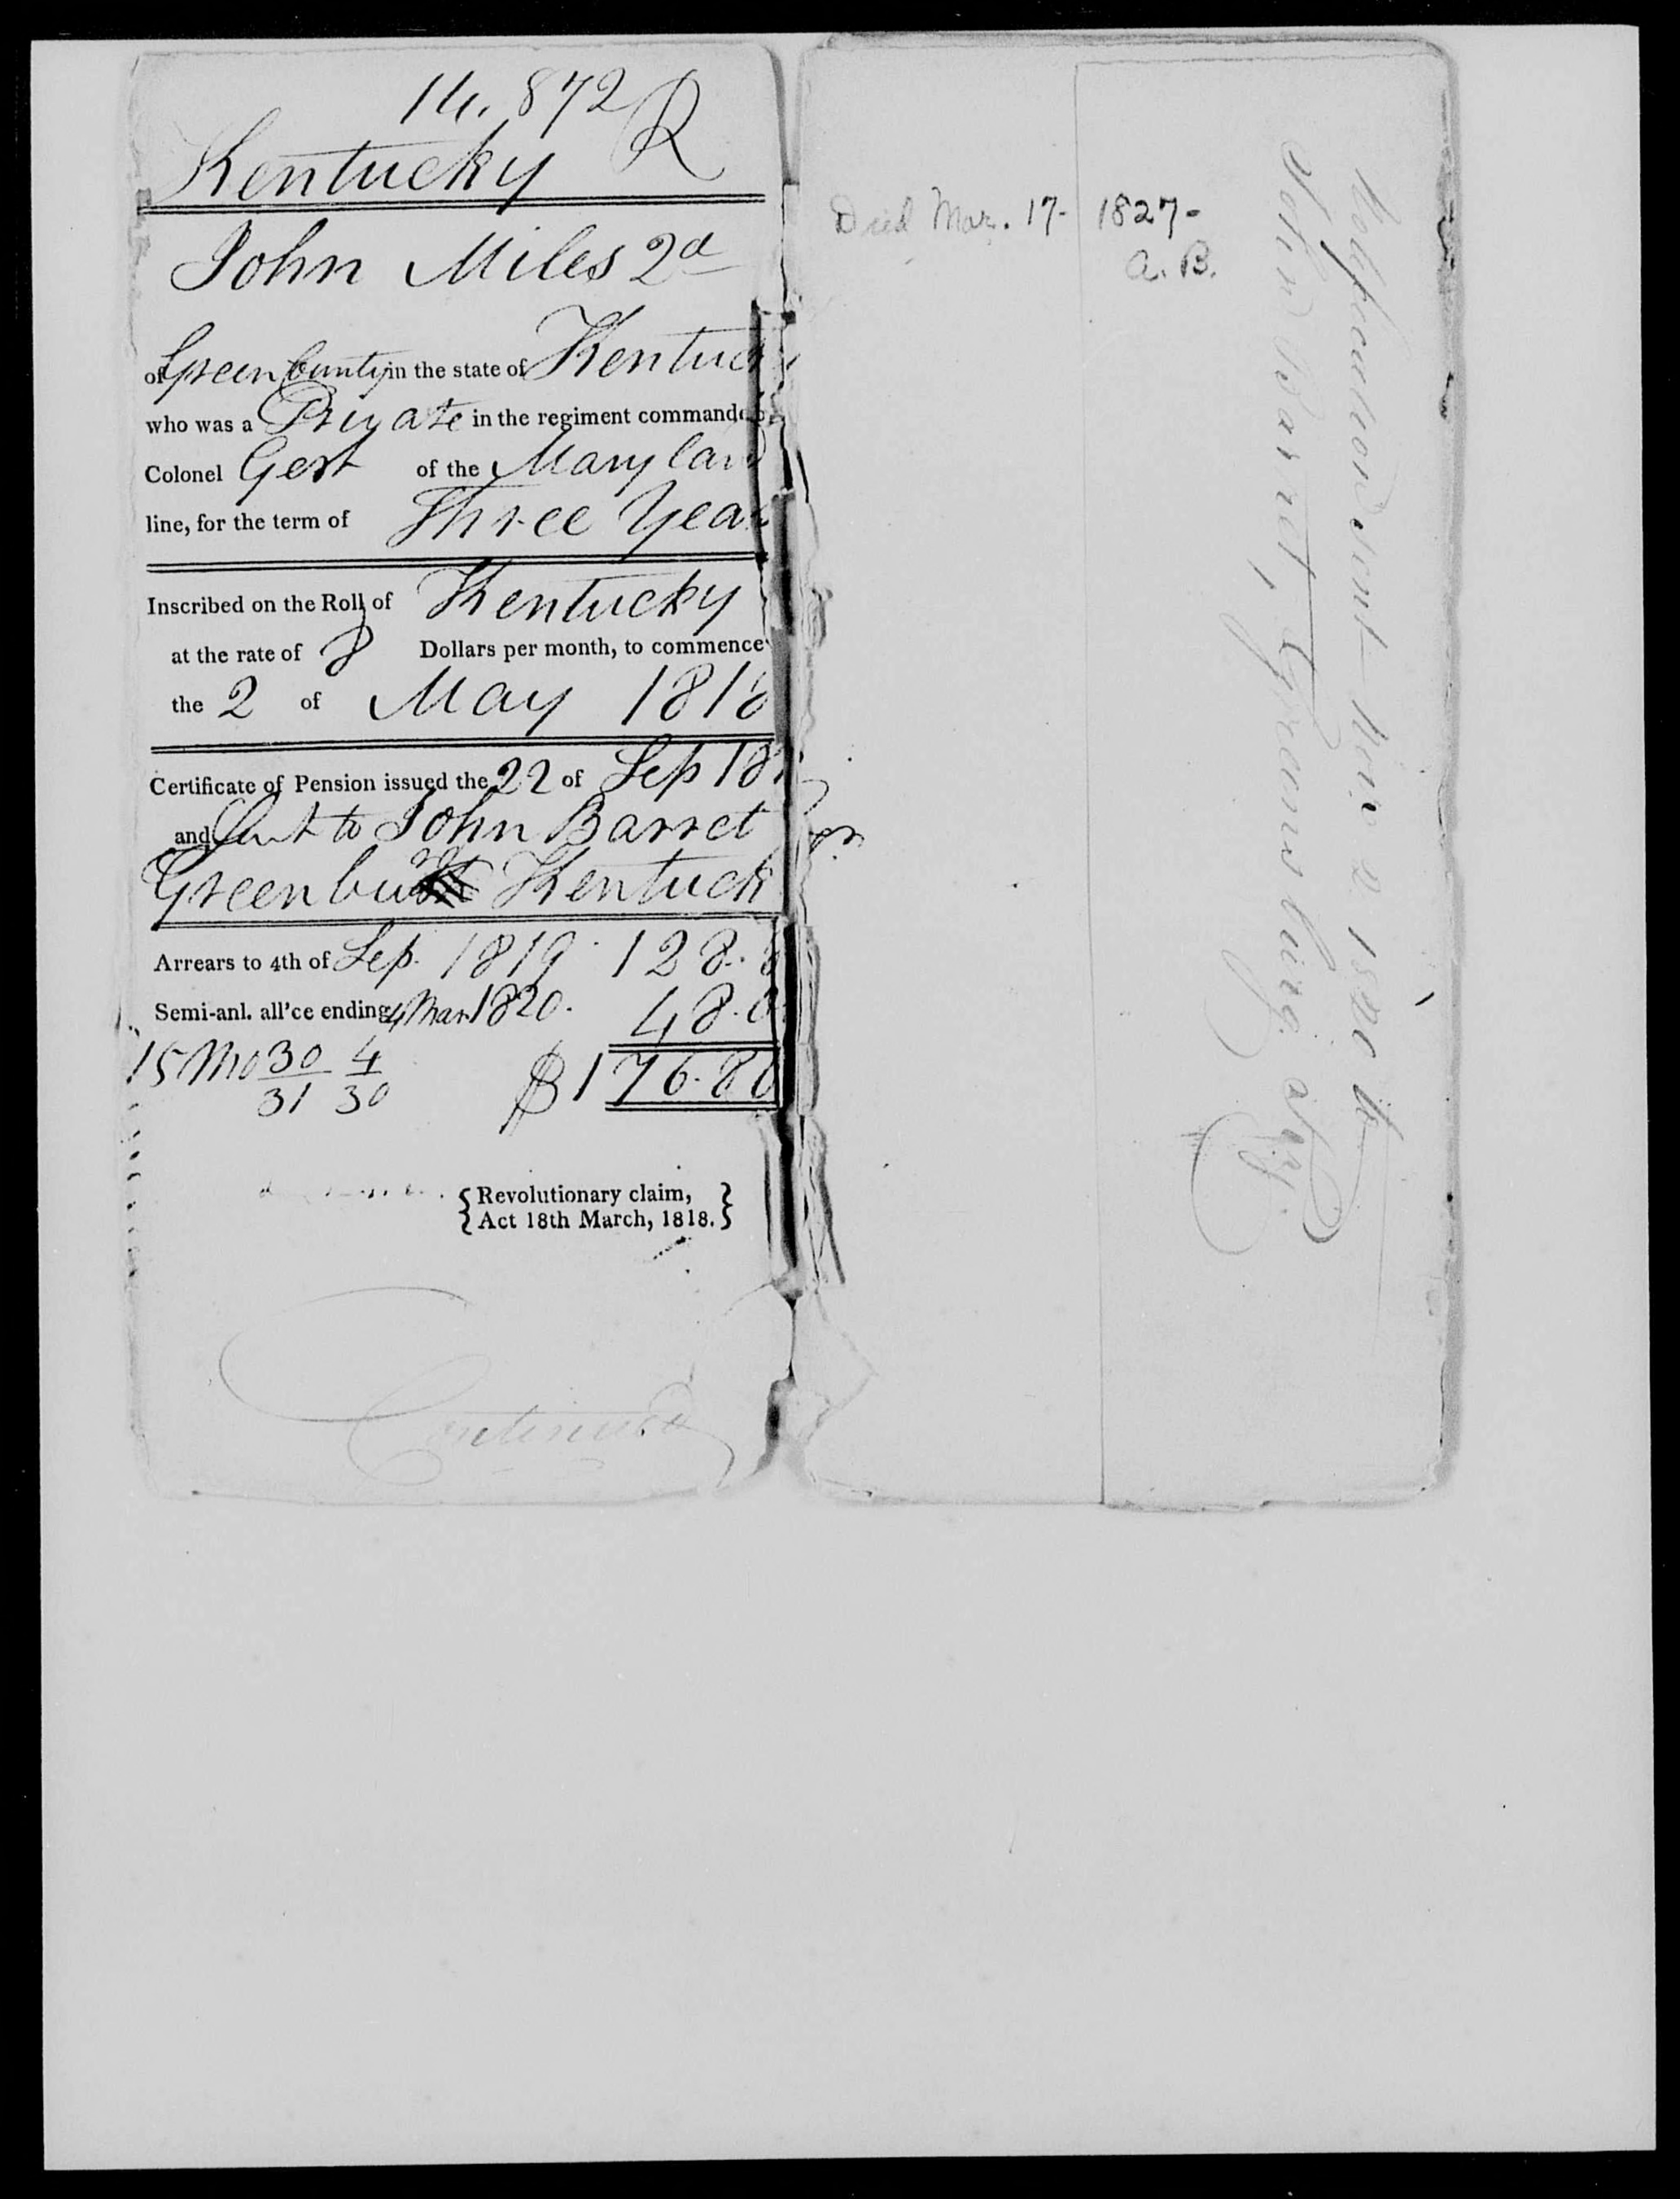14.872 R
Kentucky
================
John Miles 2d
of Green County in the state of Kentucky
who was a Private in the regiment commanded by Colonel Gest of the Maryland line, for the term of Three years
=============================
Inscribed on the Roll of Kentucky
at the rate of 8 Dollars per month, to commence
the 2 of May 1818
==============================
Certificate of Pension issued the 22 of Sept 1818
and sent to John Barret
Greenburg Kentucky
===========================
Arrears to 4th of Sept 1819  128.80
Semi anl. all'ce ending 4 March 1820  48.00
15 mo30/31 4/30 $176.80

{Revolutionary claim,
Act 18th March, 1818}

Handwritten on right side of document
Died Mar. 17-1827-A.B.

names: [BLANK] Gest; John [BLANK]; John Barret; John Miles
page: 2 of 24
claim: survivor's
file: S 36138, for John Miles, Maryland